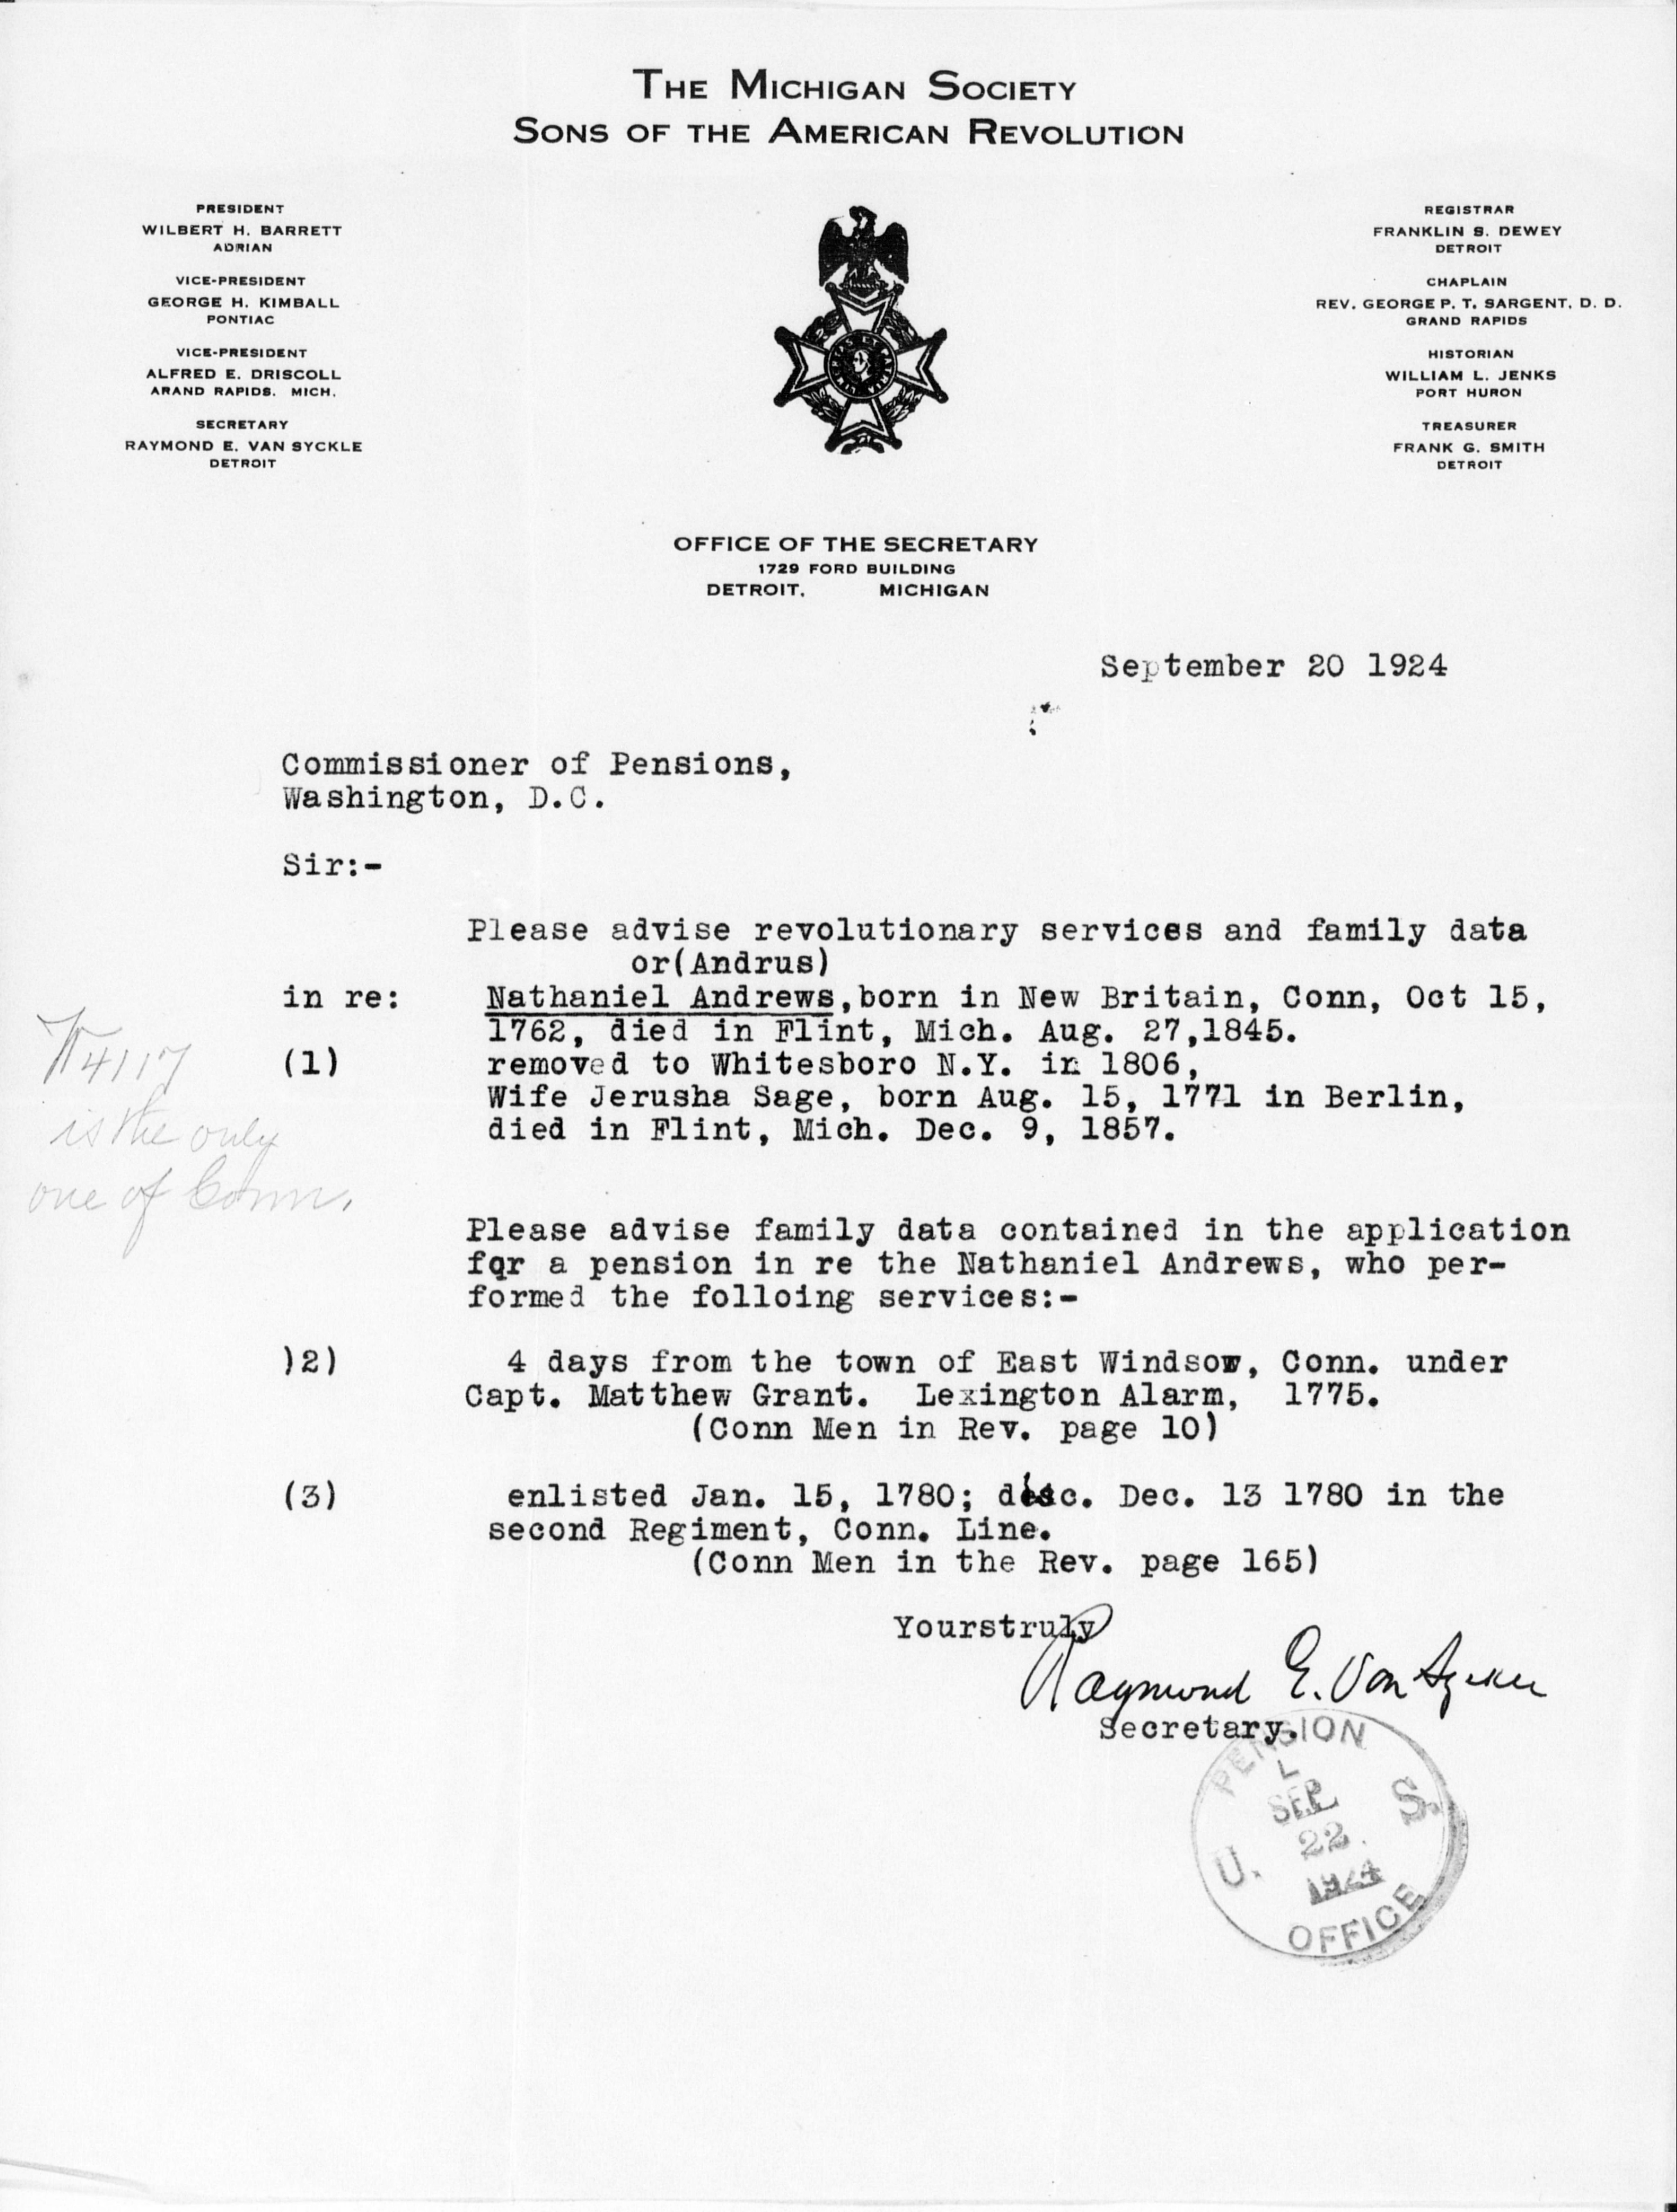PRESIDENT
WILBERT H. BARRETT
ADRIAN
VICE-PRESIDENT
GEORGE H. KIMBALL
PONTIAC
VICE-PRESIDENT
ALFRED E. DRISCOLL
ANAND RAPIDS. MICH.
SECRETARY
RAYMOND E. VAN SYCKLE
DETROIT
THE MICHIGAN SOCIETY
SONS OF THE AMERICAN REVOLUTION
REGISTRAR
FRANKLIN S DEWEY
DETROIT
CHAPLAIN
REV. GEORGE P. T. SARGENT, D.D.
GRAND RAPIDS
HISTORIAN
WILLIAM L. JENKS
PORT HURON
TREASURER
FRANK G SMITH
DETROIT
OFFICE OF THE SECRETARY
1729 FORD BUILDING
DETROIT. MICHIGAN
September 20 1924
Commissioner of Pensions,
Washington, D. C.
Sir: -
Please advise revolutionary services and family data
in re: Nathaniel Andrews, or (Andrus} born in New Britain, Conn, Oct 15,
1762, died in Flint, Mich. Aug. 27, 1845.
(1) removed to Whitesboro N. Y. in 1806,
Wife Jerusha Sage, born Aug. 15, 1771 in Berlin,
died in Flint, Mich. Dec. 9, 1857.
Please advise family data contained in the application
for a pension in re the Nathaniel Andrews, who performed
the following services: -
(2) 4 days from the town of East Windsor, Conn. under
Capt. Matthew Grant Lexington Alarm, 1775.
(Conn Men in Rev. Page 10 )
(3) enlisted Jan. 15, 1780; dec. Dec. 13 1780 in the
second Regiment, Conn. Line.
(Conn Men in the Rev. Page 165 )
Yours truly
Raymond E. Van Sycker
Secretary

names: Franklin S Dewey, George P T Sargent, Jerusha Sage, Raymond E Van Syckle, Nathaniel Andrews, Nathaniel Andrews, Alfred E Driscoll, Matthew Grant, Wilbert H Barrett, Frank G Smith, George H Kimball, William L Jenks, Arand Rapids, Raymond E Van Syckle, Nathaniel Andrus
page: 66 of 78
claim: widow's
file: W. 4117, Nathaniel Bradley, Conn.